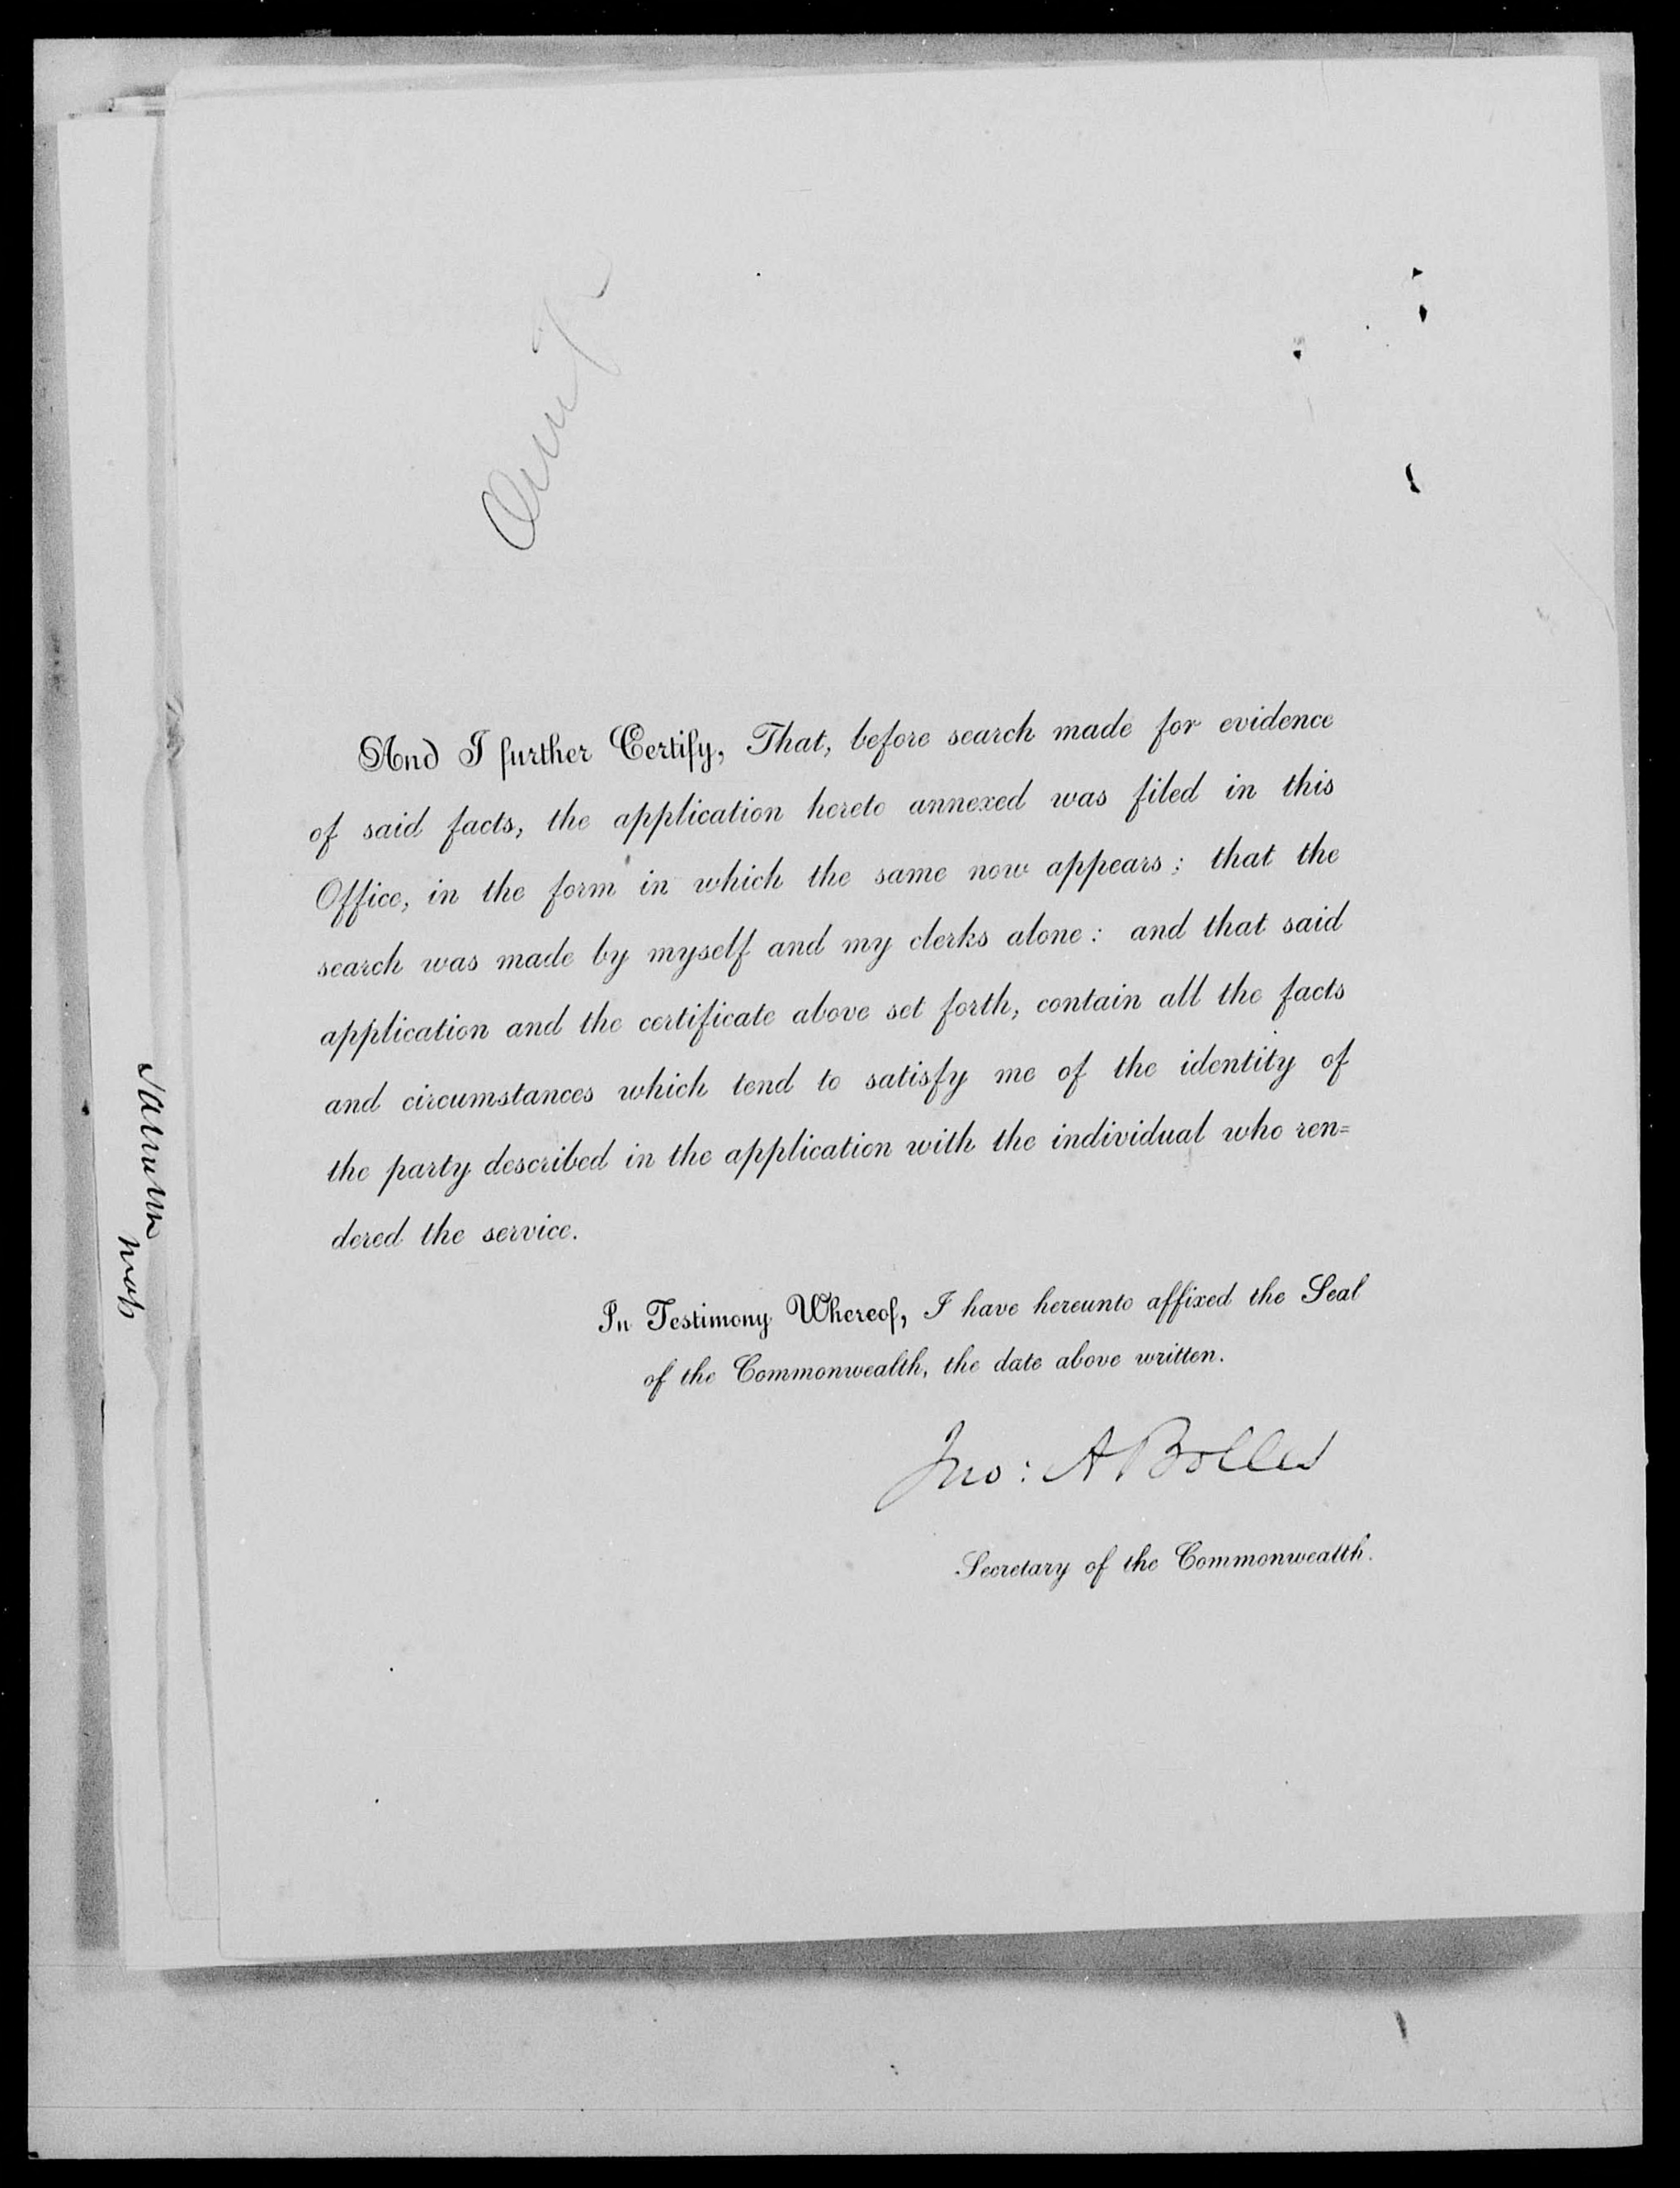And I further Certify, That, before search made for evidence of said facts, the application hereto annexed was filed in this
Office, in the form in which the same now appears; that the search was made by myself and my clerks alone: and that said
application and the certificate above set forth, contain all the facts and circumstances which tend to satisfy me of the identity of
the party described in the application with the individual who rendered the service.
In Testimony Whereof, I have hereunto affixed the Seal of the Commonwealth, the date above written.
John A. Bolles
Secretary of the Commonwealth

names: Jno A Bolles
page: 18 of 54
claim: widow's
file: W. 26,897, for George Pitts, Massachusetts